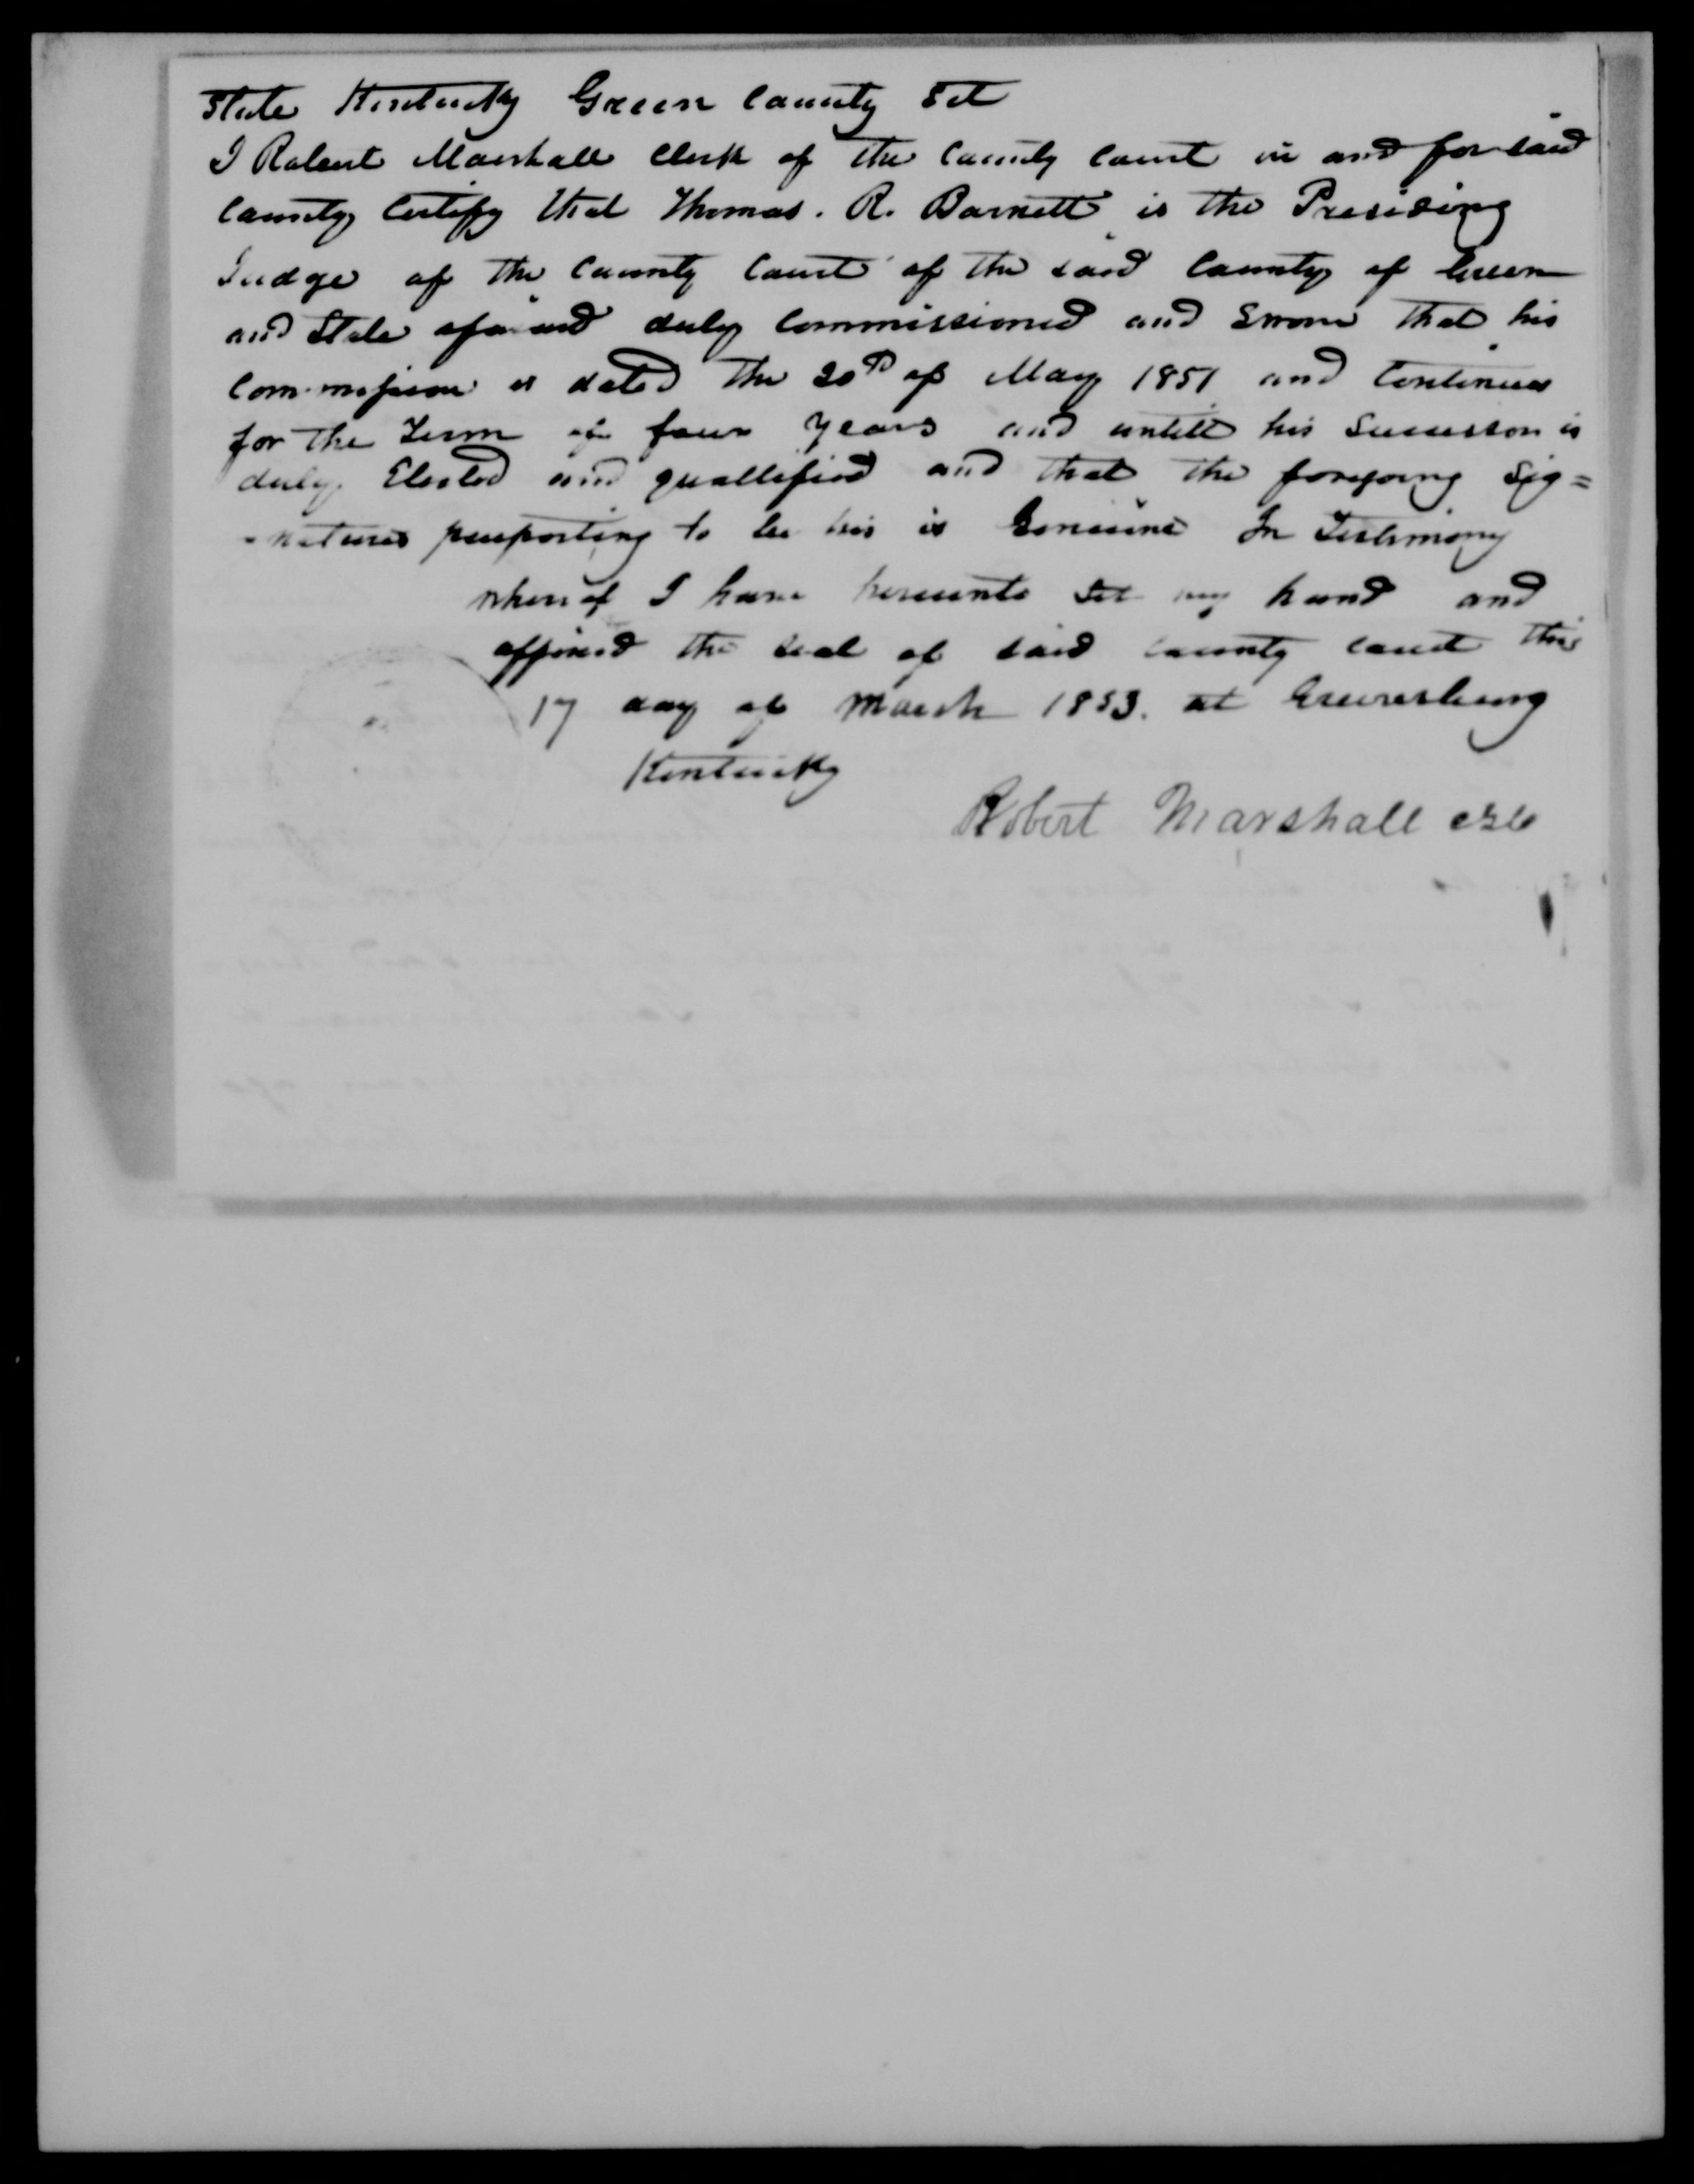State Kentucky Green County Set
I Robert Marshall Clerk of the County Court in and for said County Certify that Thomas R. Barnett is the Presiding Judge of the County Court of the said County of Green and State aforesaid duly commissioned and sworn that his
Commission is dated the 20th of May 1851 and continues for the term of four years and untill his succesion is duly Elected and quallified and that the foregoing signature purporting to be his is genuine In Testimony
whereof I have hereunto set my hand and
affixed the seal of said County Court this
17 day of March 1853 at Greensburg
Kentucky
Robert Marshall es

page: 17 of 53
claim: widow's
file: W. 6,267, for John Thurman, Georgia